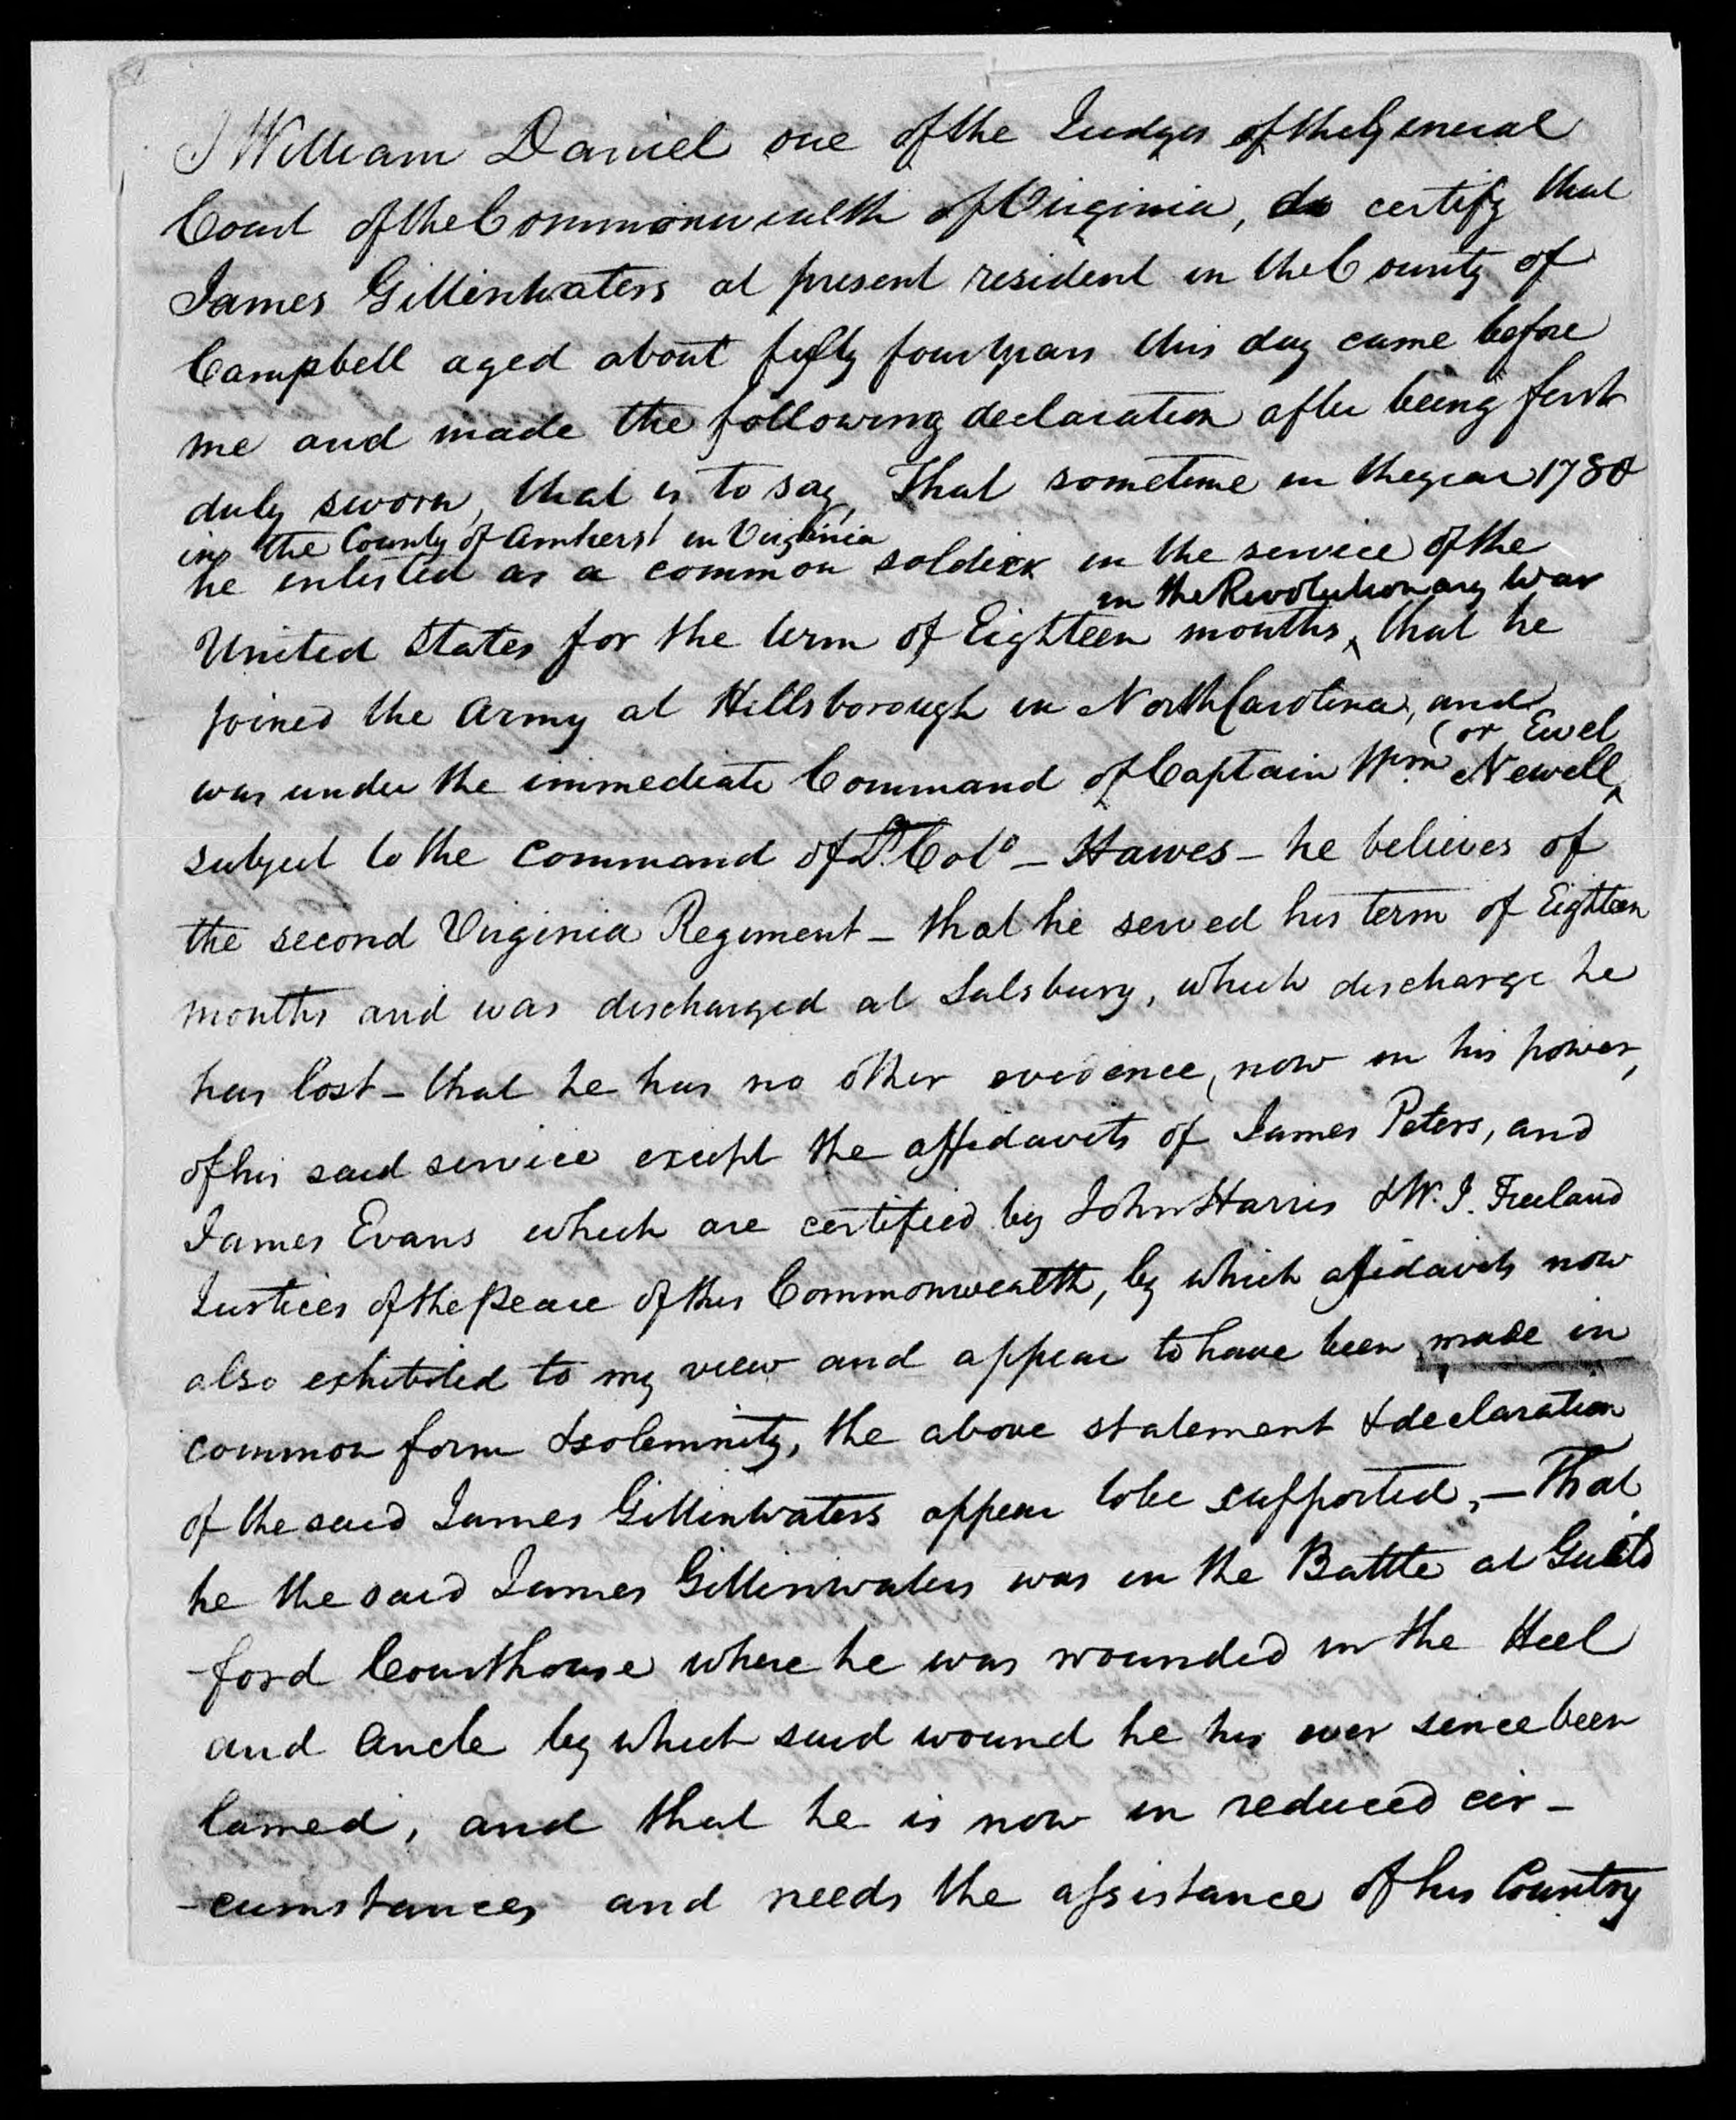I William Daniel one of the Judges of the General Court of the Commonwealth of Virginia, do certify that James Gillenwater at present resident in the County of Campbell aged about fifty four years this day came before me and made the following declaration after being first duly sworn, that is to say That sometime in the year 1780 in the County of Amherst in Virginia he inlisted as a common soldier in the service of the United States for the term of eighteen month in the Revolutionary War that he joined the Army at Hillsborough in North Carolina, and was under the immediate Command of Captain Wm Newell (or Ewel subject to the command of Col ___Hawes__ he believes of the second Virginia Regiment __ that he served his term of eighteen months and was discharged at Salsbury , which discharge he has lost __ that he has no other evidence now on his person of his said service except the affidavits of James Peters, and James Evans which are certified by John Harris W. J. Freeland Justices of the peace of this commonwealth, by which affidavits now also exhibited to my view and appear to have been made in common form & solemnity, the above statement & declaration of the said James Gillenwaters appear to be supported, __ That he the said James Gillenwater was in the Battle at Guilford Courthouse where he was wounded in the heel and ancle by which said wound he has ever since been lamed, and that he is now in reduced circumstances and needs the assistance of his country.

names: James Peters, William Daniel, Wm Newell, James Gillingwater, Wm Ewel, John Harris, Hawes, W J Freeland, James Gillingwater, James Gillingwater, James Evans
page: 8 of 36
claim: survivor's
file: S. 39570, James Gillingwater, Va.